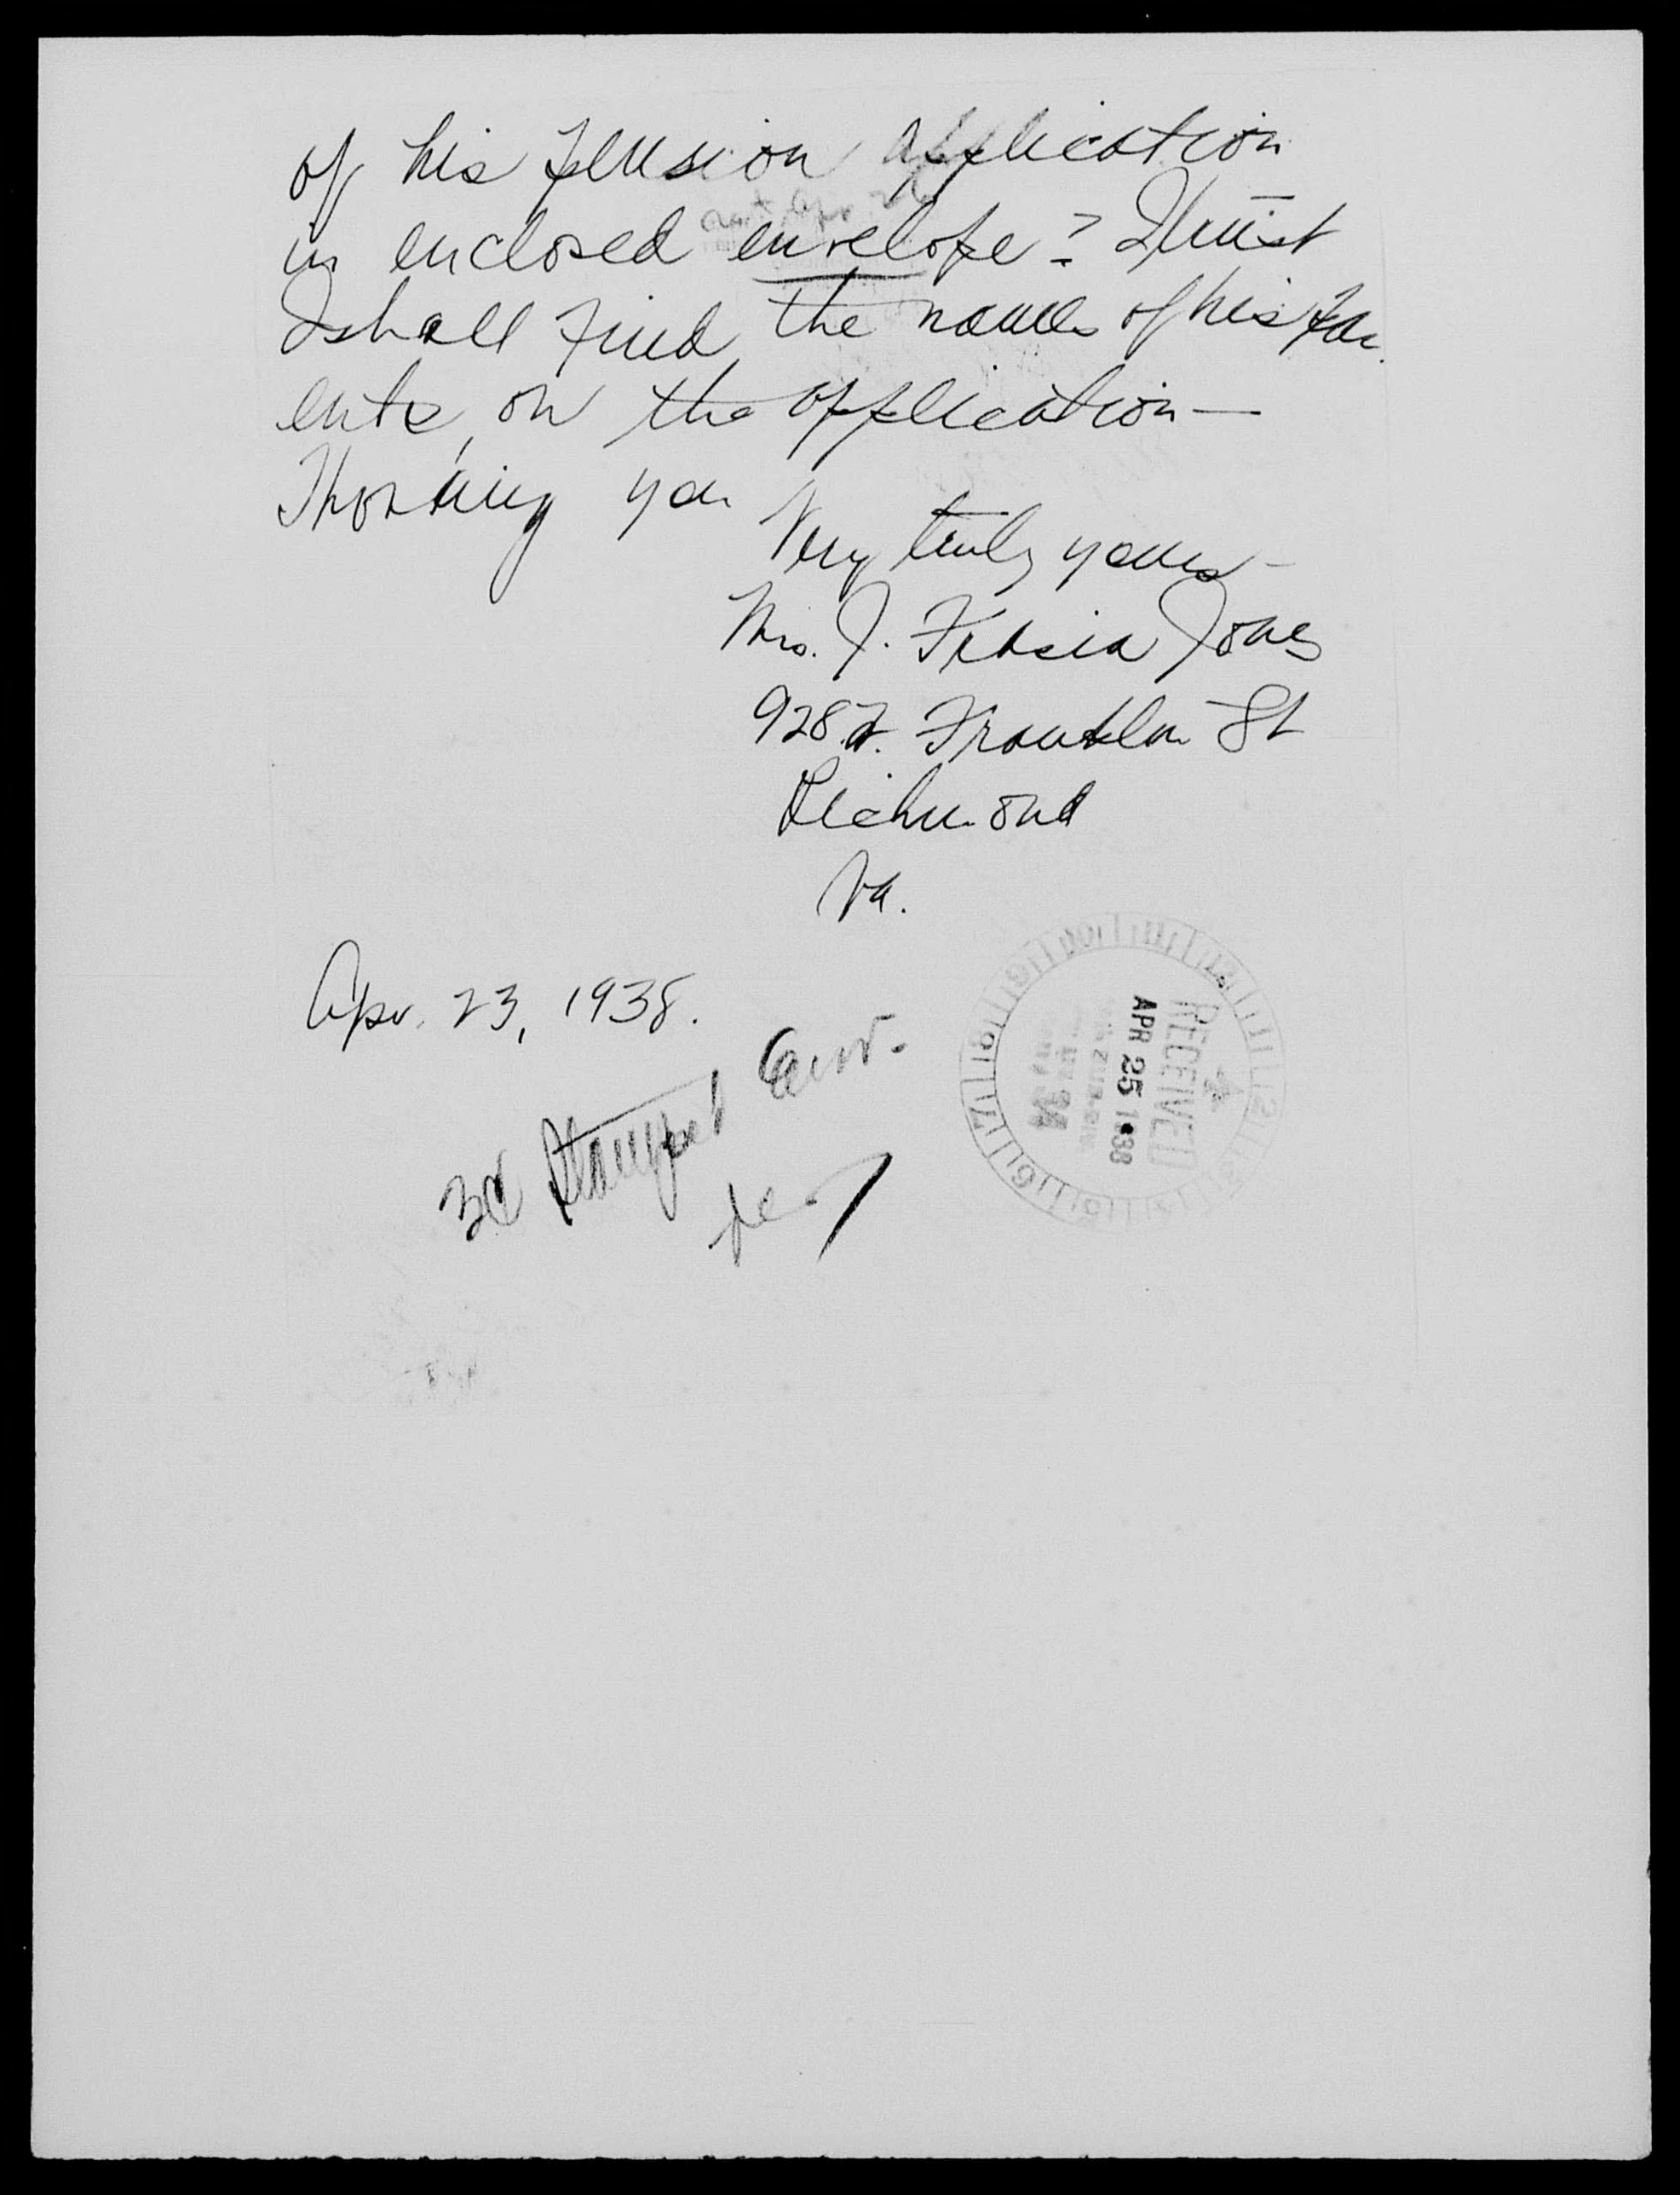of his pension application  in enclosed envelope ? I wish I shall find the names of his parents on the application . Thanking you  , Very truly yours Mrs. J. Frasia Jones ( signed ) 928 W Franklin St. Richmond  Va.   Apr. 23, 1938  3 c stamped env.  ( post mark ) [ RECEIVED  APR 25 2938 MAIL SUB-DIV  VET'S ADM READER # 34 ]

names: J Frasia Jones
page: 35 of 43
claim: survivor's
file: S. 21163, Peter Dubose, S.C.